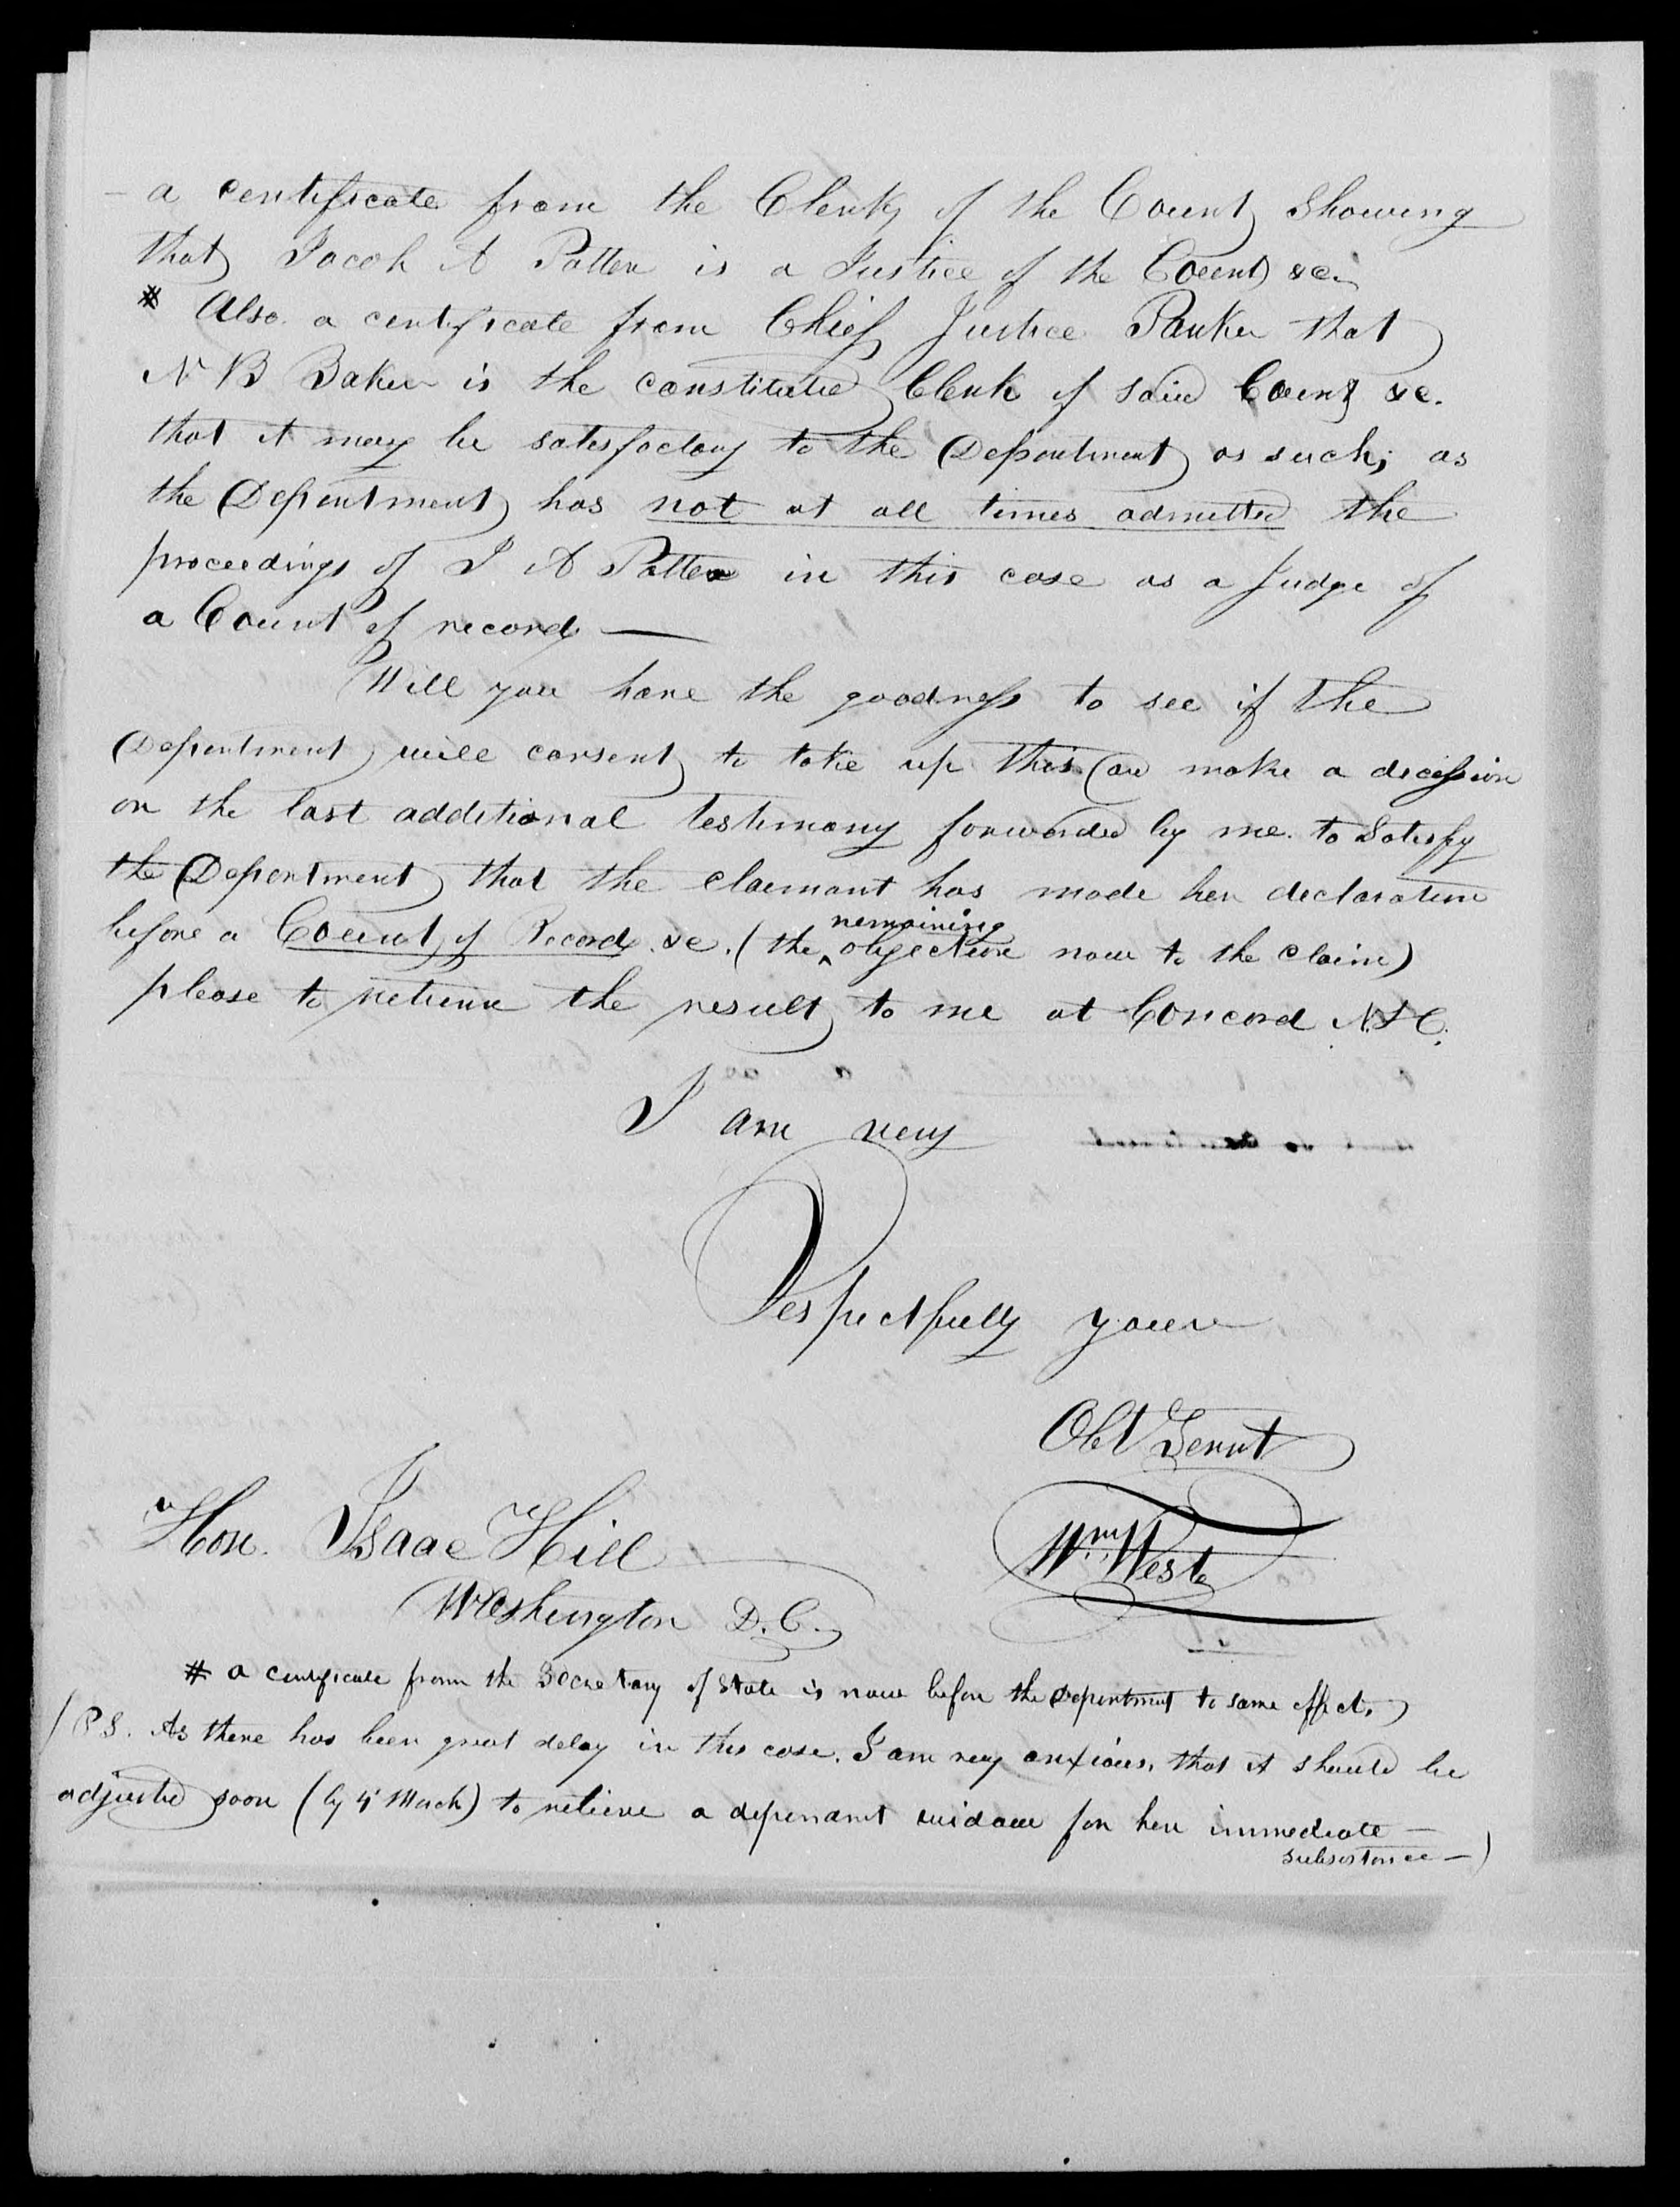a certificate from the Clerk of the Court Showing that Jacob A Patten is a Justice of the Court &c.
#Also a certificate from Chief Justice Parker that N.B. Baker is the constituted Clerk of said Court &c that it may be satisfactory to  the Department as such; as the Department has not at all times admitted the proceedings of J A Potter in this case as a Judge of a Court of record—

Will you have the goodness to see if the Department will consent to take up this and make a decission[sp] on the last additional testimony forwarded by me to Satisfy the Department that the claimant has made her declaration before a Court of Record &c. (the remaining objection now to the claim) please to return the result to me at Concord NH
I am very
Respectfully your
Obt Servt
Wm West

Hon. Isaac Hill
Washington D. C.

# a certificate from the Secretary of State is now before the Department to same effect.

PS As there has been great delay in this case I am very anxious that it should be adjusted soon (by 4 March) to relieve a dependant evidence for her immediate -
Subsistence—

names: Isaac Hill, Wm West, Jacob A Potter, N B Baker, Parker, J A Potter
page: 35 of 57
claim: widow's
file: W. 23217, Thomas Haines, N H